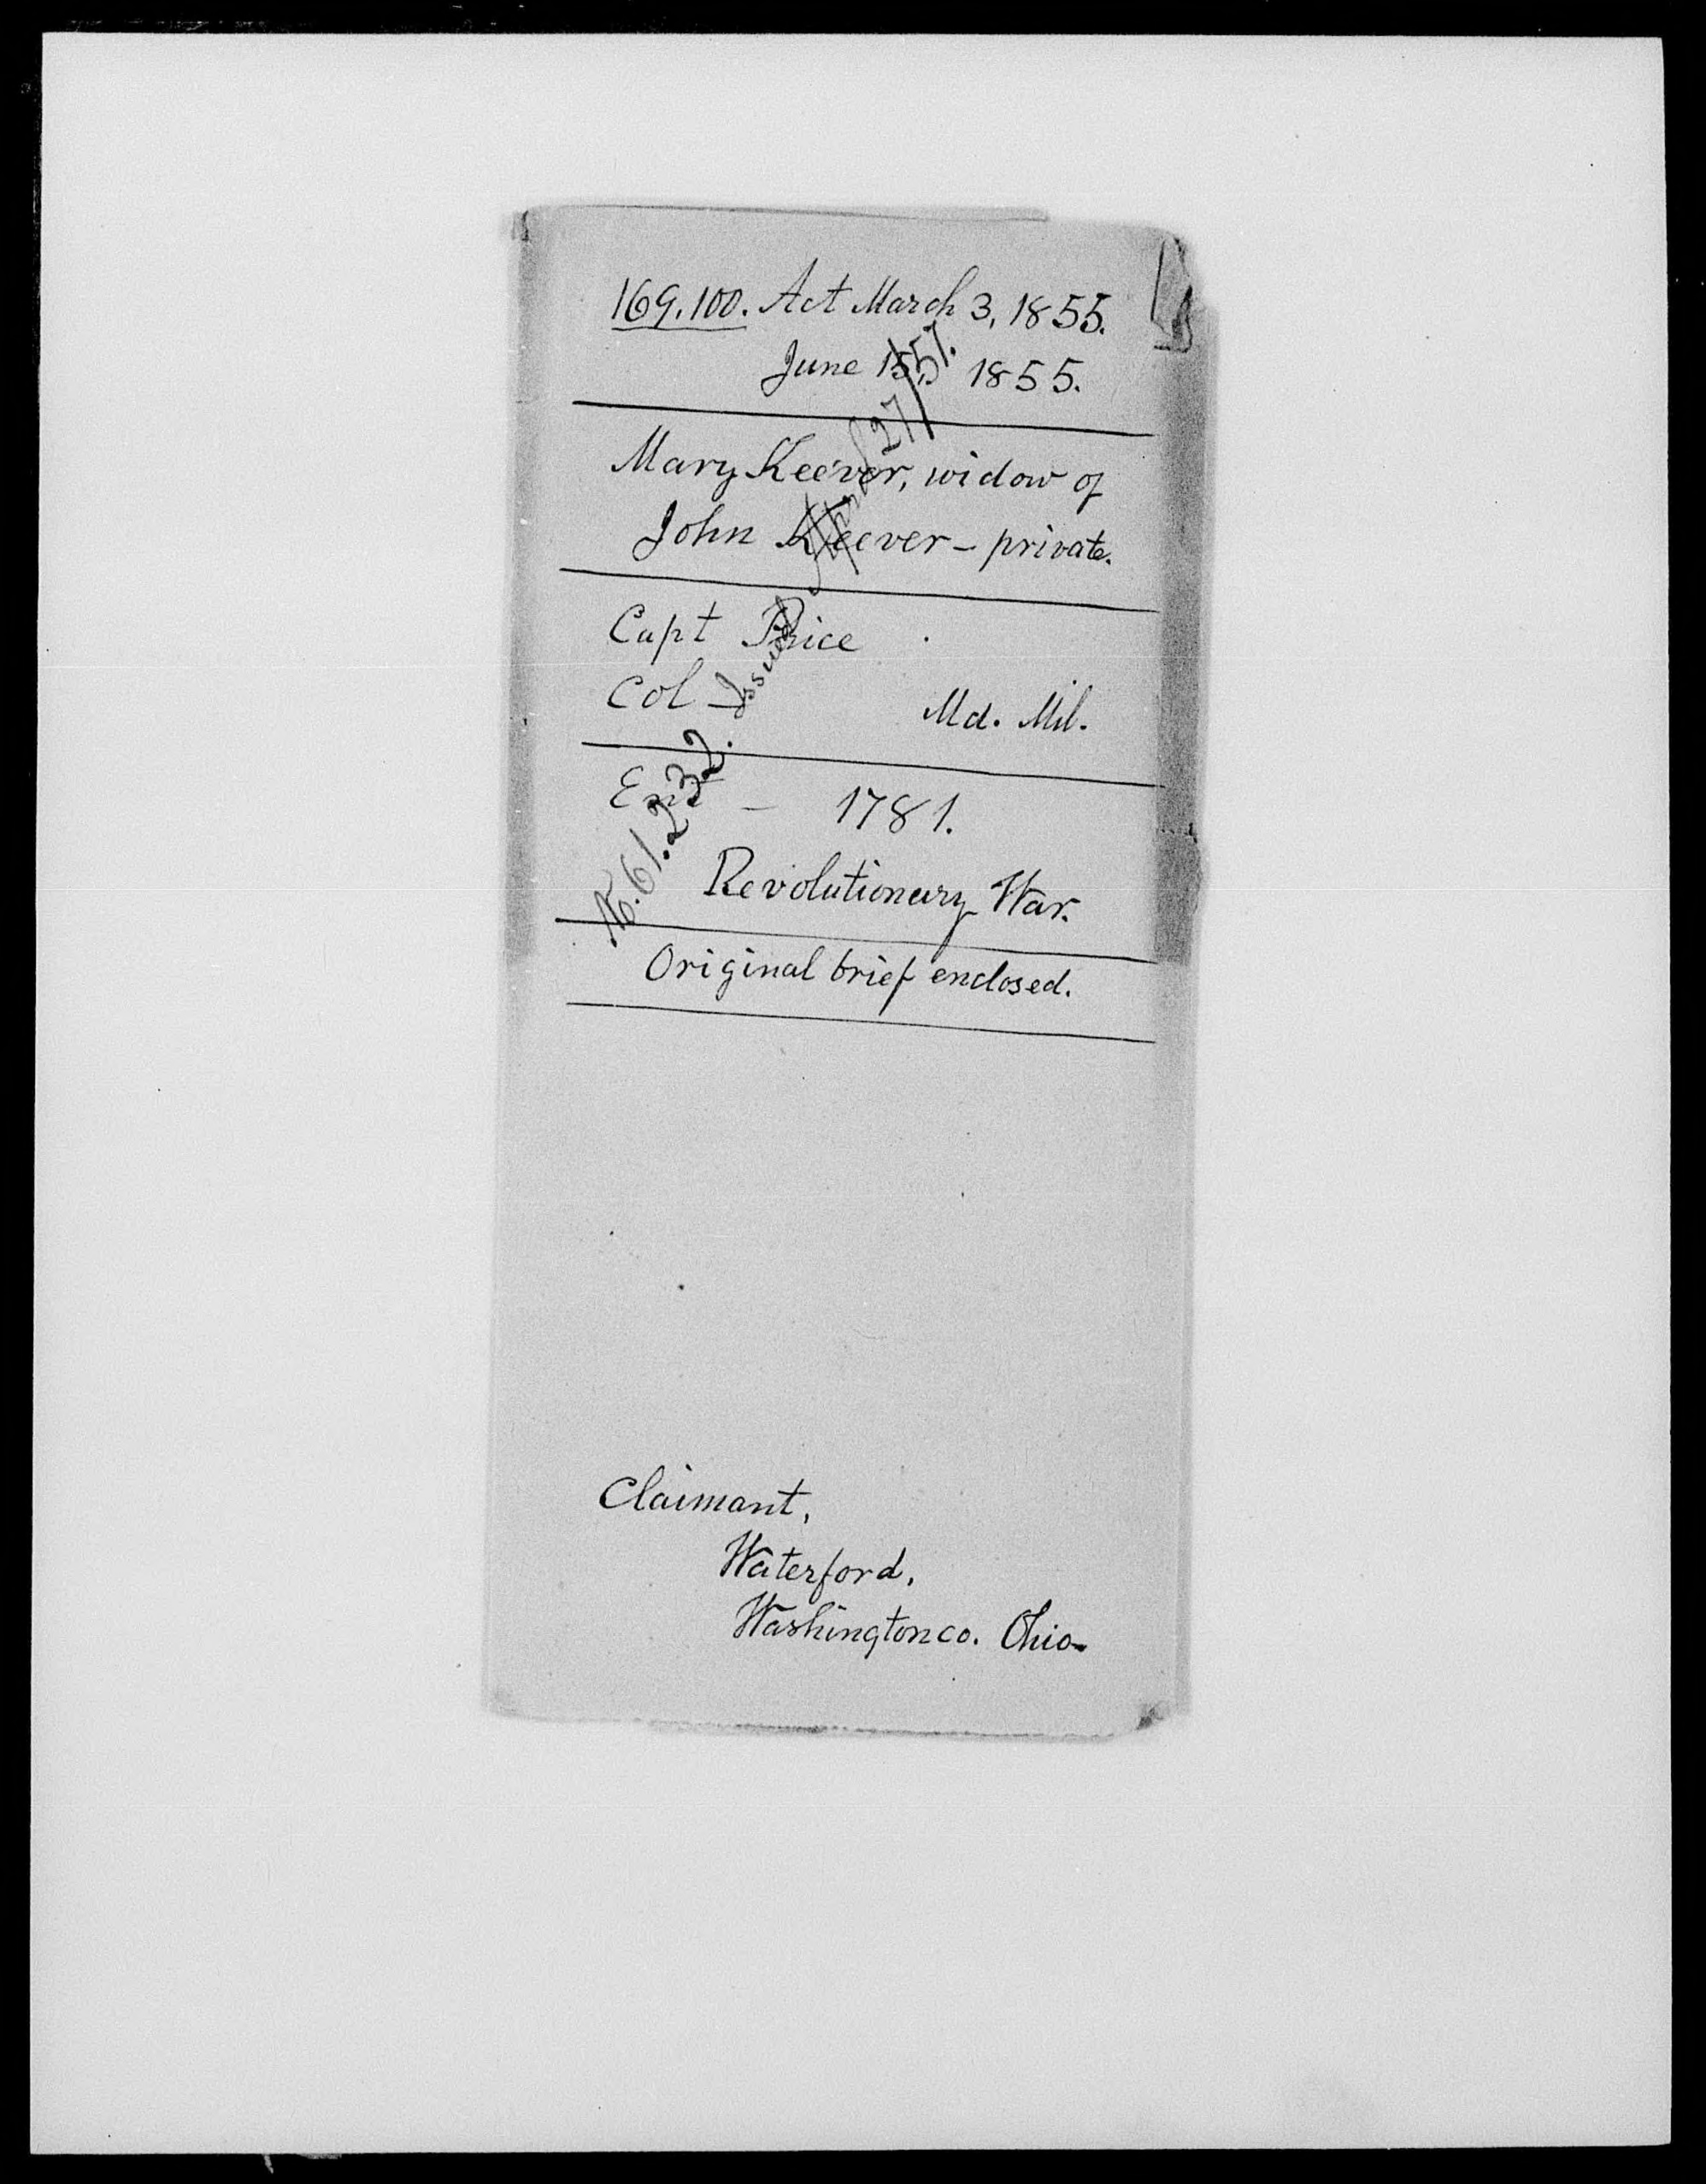169.100. Act March 3, 1855. 
June 15, 1855. 
Mary Keever, widow of 
John Keever - private 
Capt Price 
Col --- Md. Mil.
[?] 1781. 
Revolutionary War. 
Original brief enclosed.

Claimant 
Waterford 
Washington Co. Ohio

No. 61.232. Issued April 27/57.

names: John Keever; Mary Keever; [BLANK] Price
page: 28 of 33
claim: rejected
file: R. 5814, for John Keever, Maryland